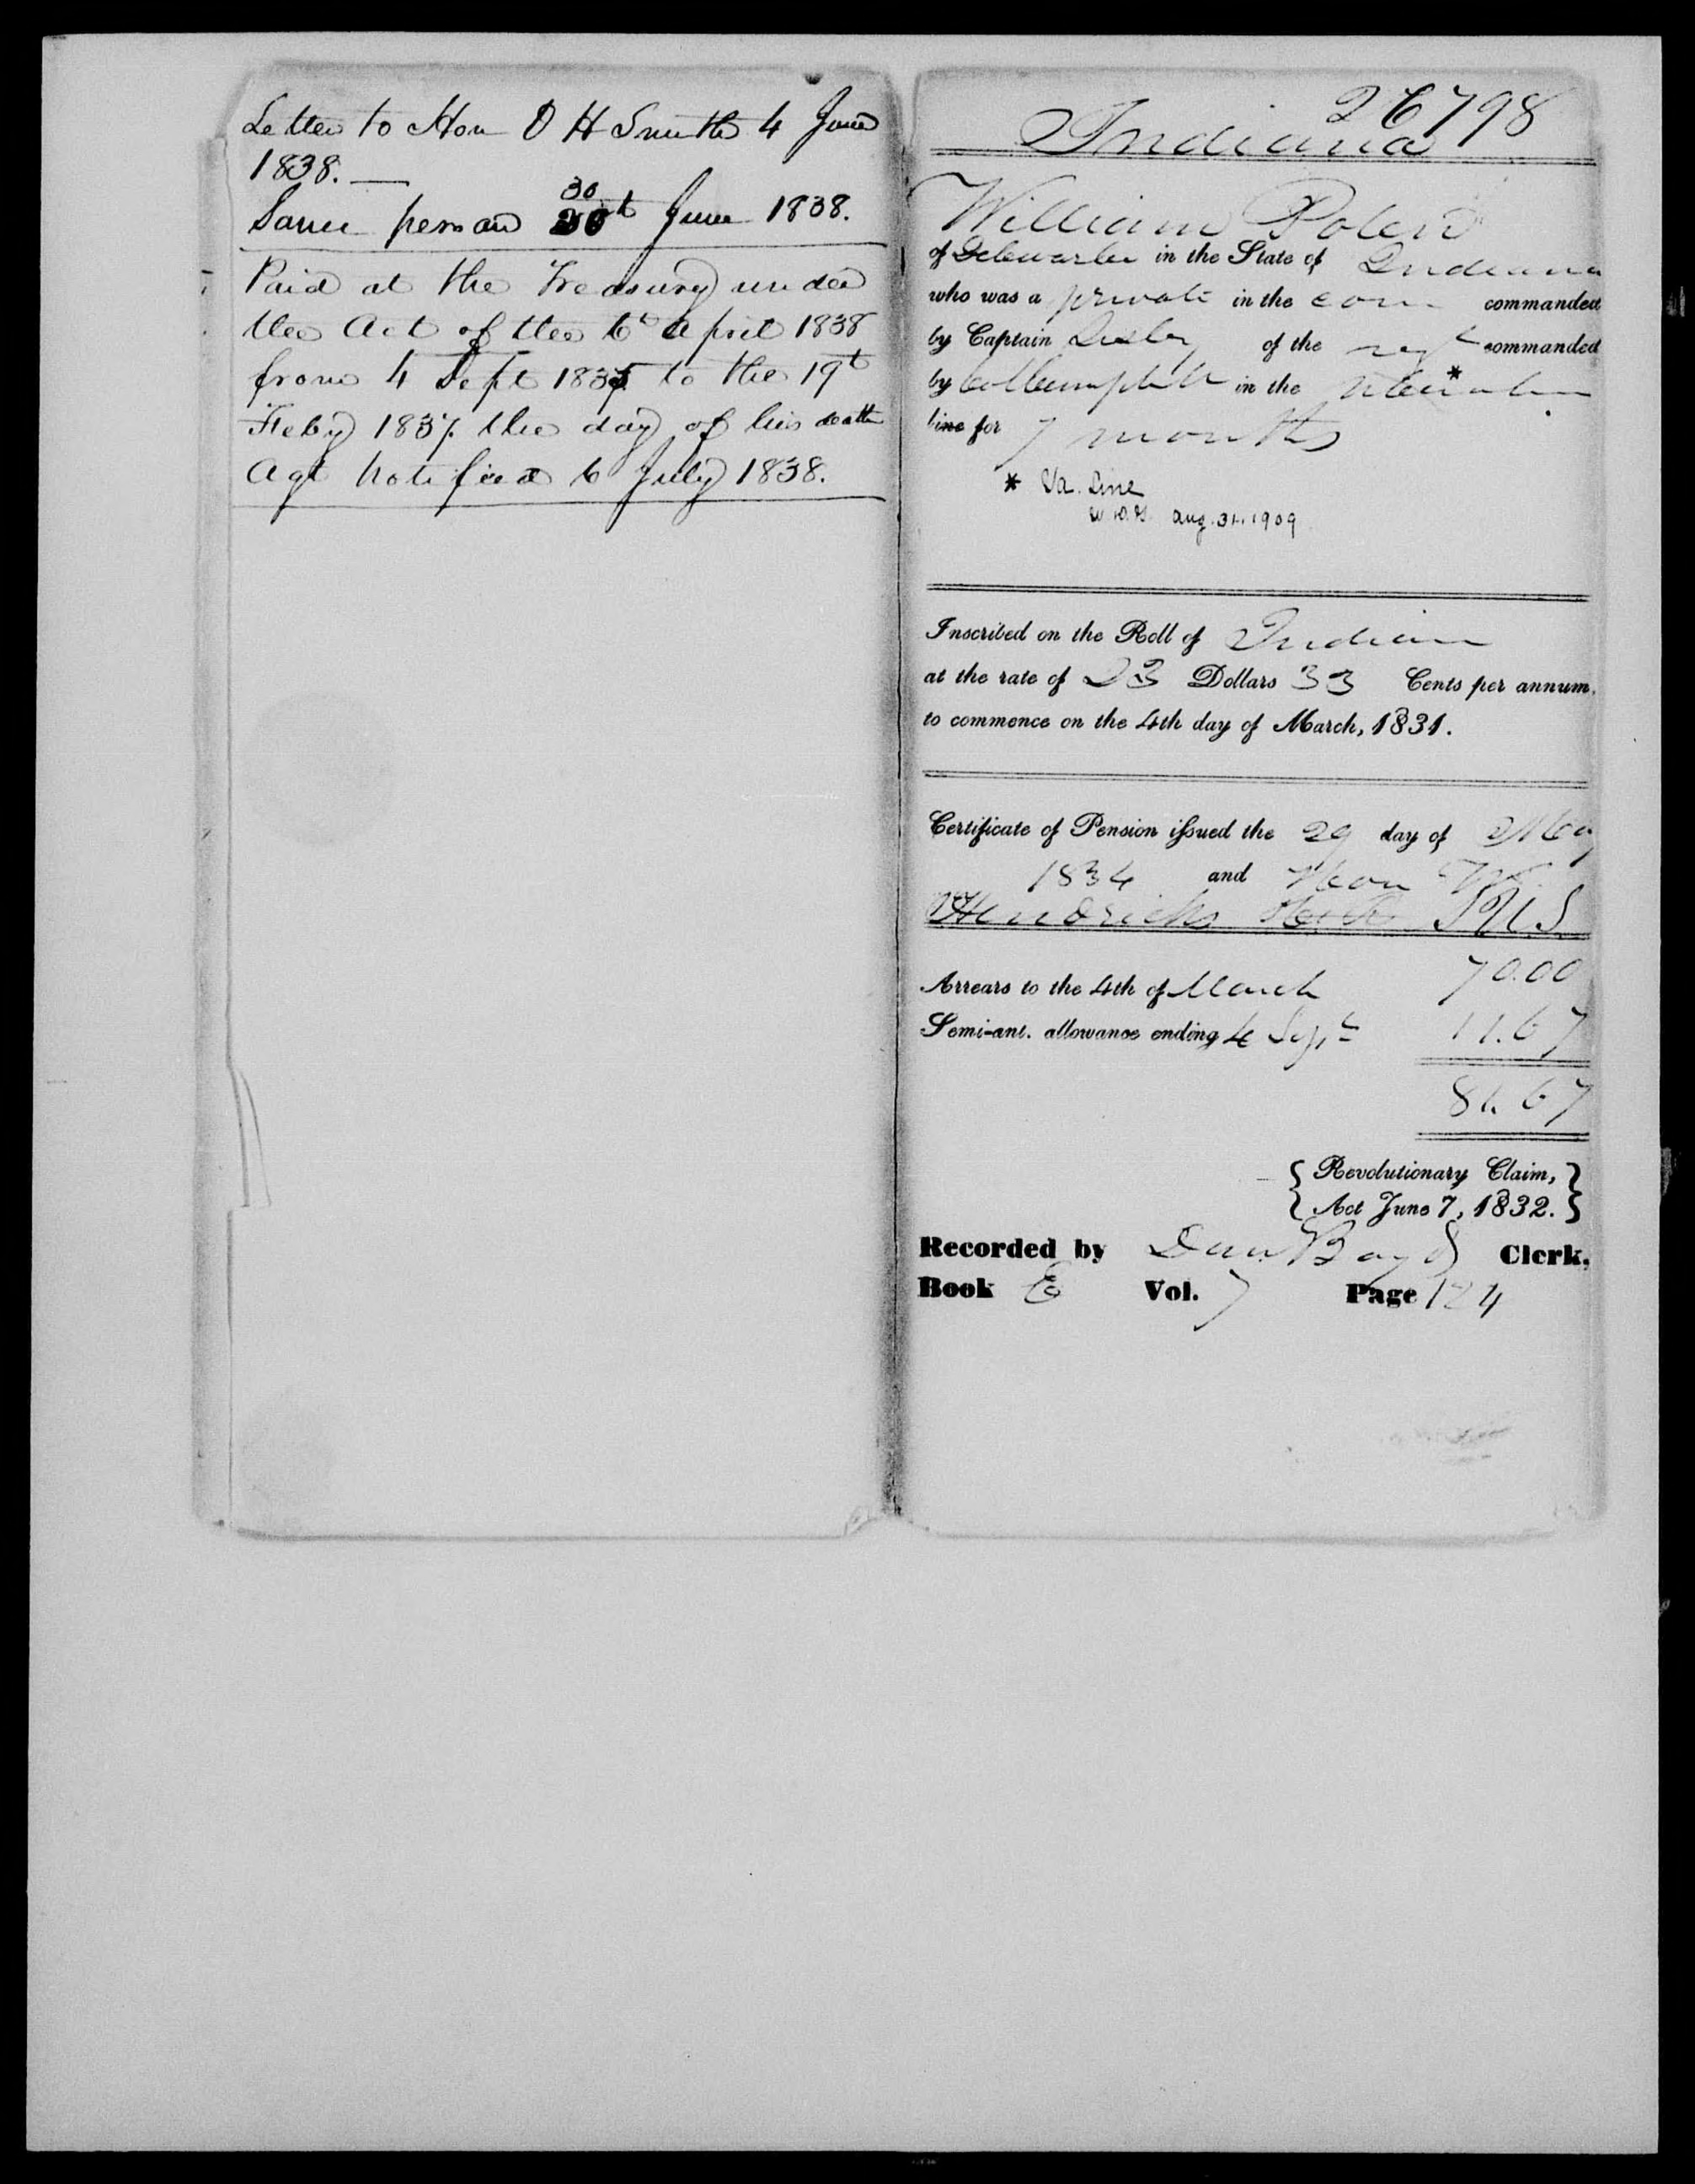Letter to Hon O H Smith 4 June 1838.-
Same person 30th June 1838.
Paid at the Treasury under the Act of the 6th April 1838 from 4 Sept 1832 to the 19th Feby 1837. the day of his death
Agt Notified 6 July 1838.

26798
Indiana
William Polen
of Delaware Co in the State of Indiana
who was a private in the com. commanded by Captain Sisley of the regt commanded by Col Campbell in the *volunteer line for 7 months
*Va. Line
W.D.G. Aug. 31, 1909
Inscribed on the Roll of Indiana
at the rate of 23 Dollars 33 Cents per annum, to commence on the 4th day of March, 1831.
Certificate of Pension issued the 29 day of May 1836 and Hon W. 
Hendricks U.S.
Arrears to the 4th of March 70.00
Semi-anl. allowance ending 4 Sept. 11.67
81.67
Revolutionary Claim,
Act June 7, 1832.
Recorded by Dan. Boyd Clerk,
Book E Vol. 7 Page 124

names: O H Smith; W Hendricks; [BLANK] Campbell; Danl Boyd; [BLANK] Lesley; William Polen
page: 2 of 21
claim: survivor's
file: S. 32453, for William Polen, Virginia